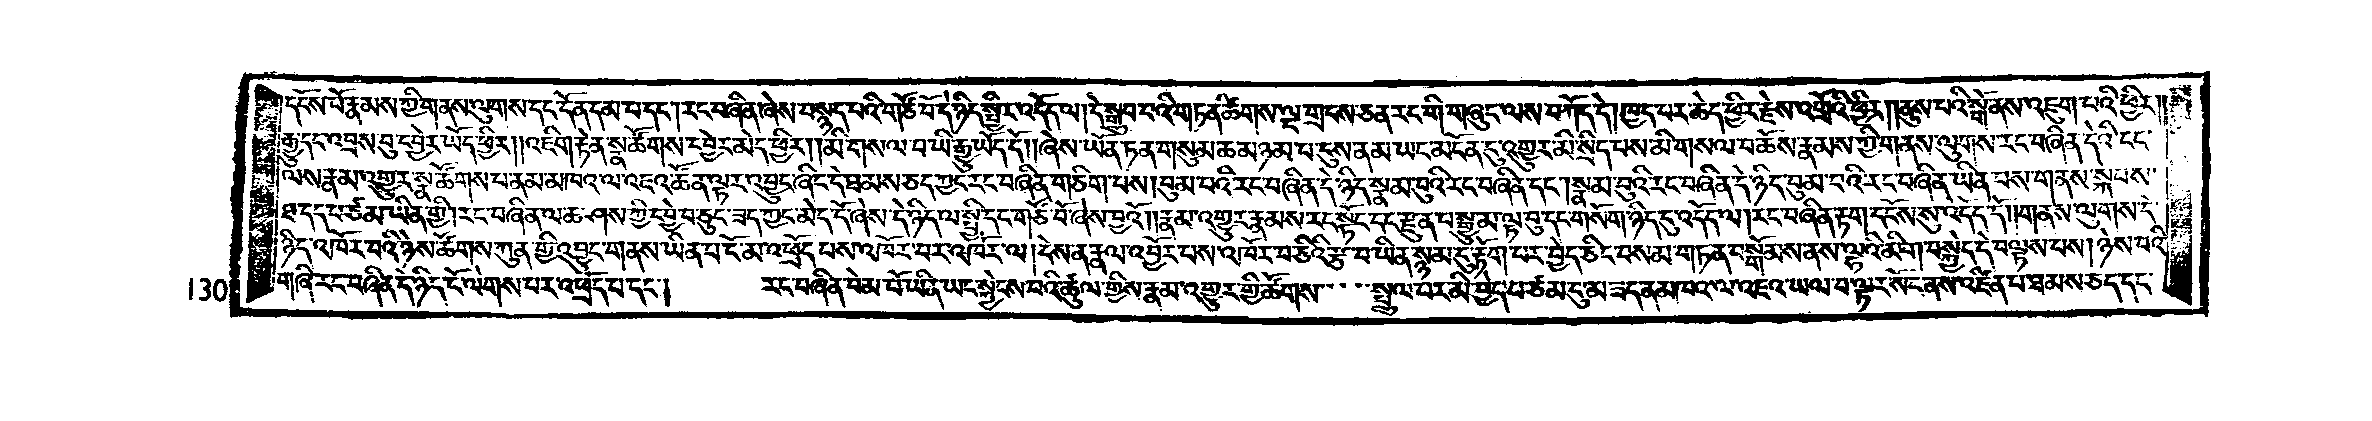དངོས་པོ་རྣམས་ཀྱི་གནས་ལུགས་དང་དོན་དམ་པ་དང་། རང་བཞིན་ཞེས་བསྙད་པའི་གཙོ་བོ་དེ་ཉིད་སྤྱིར་འདོད་ལ། དེ་སྒྲུབ་པའི་གཏན་ཚིགས་ལྔ་གྲངས་ཅན་རང་གི་གཞུང་ལས་བཀོད་དེ། ཁྱད་པར་ཆེད་ཕྱིར་རྗེས་འགྲོའི་ཕྱིར། །ནུས་པའི་སྒོ་ནས་འཇུག་པའི་ཕྱིར།
རྒྱུ་དང་འབྲས་བུ་དབྱེར་ཡོད་ཕྱིར། །འཇིག་རྟེན་སྣ་ཚོགས་དབྱེར་མེད་ཕྱིར། །མི་གསལ་བ་ཡི་རྒྱུ་ཡོད་དོ། །ཞེས་ཡོན་ཏན་གསུམ་ཆ་མཉམ་པ་དུས་ནམ་ཡང་མངོན་དུ་འགྱུར་མི་སྲིད་པས་མི་གསལ་བ་ཆོས་རྣམས་ཀྱི་གནས་ལུགས་རང་བཞིན་དེའི་དང་
ལས་རྣམ་འགྱུར་སྣ་ཚོགས་པ་ནམ་མཁའ་ལ་འཇའ་ཚོན་ལྟར་འབྱུང་ཞིང་དེ་ཐམས་ཅད་ཀྱང་རང་བཞིན་གཅིག་པས། བུམ་པའི་རང་བཞིན་དེ་ཉིད་སྣམ་བུའི་རང་བཞིན་དང་། སྣམ་བུའི་རང་བཞིན་དེ་ཉིད་བུམ་པའི་རང་བཞིན་ཡིན་པས་གནས་སྐབས་
ཐ་དད་པ་ཙམ་ཡིན་གྱི། རང་བཞིན་ལ་ཆ་ཤས་ཀྱི་དབྱེ་བ་ཅུང་ཟད་ཀྱང་མེད་དོ་ཞེས་དེ་ཉིད་ལ་སྤྱི་དང་གཙོ་བོ་ཞེས་བྱའོ། །རྣམ་འགྱུར་རྣམས་རང་སྟོང་དང་རྫུན་པ་སྒྱུ་མ་ལྟ་བུ་དང་གསོག་ཉིད་དུ་འདོད་ལ། རང་བཞིན་རྟག་དངོས་སུ་འདོད་དོ། །གནས་ལུགས་དེ་
ཉིད་འཁོར་བའི་ཉེས་ཚོགས་ཀུན་གྱི་འབྱུང་གནས་ཡིན་པ་ངོ་མ་འཕྲོད་པས་འཁོར་བར་འཁོར་ལ། དེས་ན་རྣལ་འབྱོར་པས་འཁོར་བ་ཅིའི་རྩ་བ་ཡིན་སྙམ་དུ་རྟོག་པར་བྱེད་ཅིང་བསམ་གཏན་བསྒོམས་ནས་ལྷའི་མིག་བསྐྱེད་དེ་བལྟས་པས། ཉེས་པའི་
གཞི་རང་བཞིན་དེ་ཉིད་དོ་ལེགས་པར་འཕྲོད་པ་དང་། རང་བཞིན་བེམ་པོ་ཡིན་ཡང་སྐྱེངས་བའི་ཚུལ་གྱིས་རྣམ་འགྱུར་གྱི་ཚོགས་སྤྲུལ་པར་མི་བྱེད་པ་ཙམ་དུ་མ་ཟད་ནམ་མཁའ་ལ་འཇའ་ཡལ་བ་ལྟར་སོད་ནས་འཛིན་པ་ཐམས་ཅད་དང་